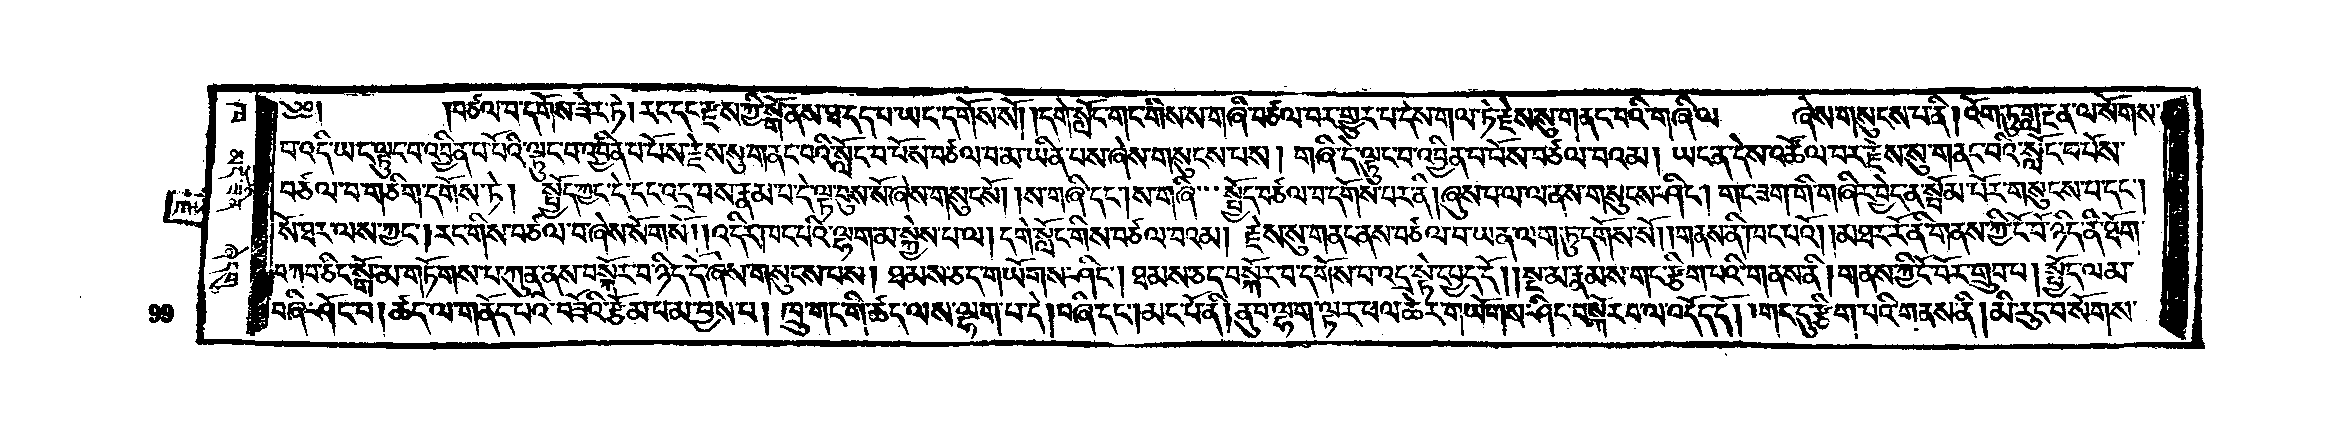༄༅། །བཙལ་བ་དགོས་ཟེར་ཏེ། རང་དང་རྫས་ཀྱི་སྒོ་ནས་ཐ་དད་པ་ཡང་དགོས་སོ། །དགེ་སློང་གང་གིས་ས་གཞི་བཙལ་བར་གྱུར་པ་དེས་གལ་ཏེ་རྗེས་སུ་གནང་བའི་གཞི་ལ། ཞེས་གསུངས་པ་ནི། འོག་ཏུ་གླ་རྔན་ལ་སོགས་
པ་འདི་ཡང་ལྟུང་བ་འབྱིན་པ་པོའི་ལྟུང་བ་འབྱིན་པ་པོས་རྗེས་སུ་གནང་བའི་སློང་བ་པོས་བཙལ་བ་མ་ཡིན་པས་ཞེས་གསུངས་པས། གཞི་དེ་ལྟུང་བ་འབྱིན་པ་པོས་བཙལ་བའམ། ཡང་ན་དེས་འཚོལ་བར་རྗེས་སུ་གནང་བའི་སློང་བ་པོས་
བཙལ་བ་གཅིག་དགོས་ཏེ། སྤྱོད་ཀྱང་དེ་དང་འདྲ་བས་རྣམ་པ་དེ་ལྟ་བུས་སོ་ཞེས་གསུངས་སོ། །ས་གཞི་དང་། ས་གཞི་སྤྱོད་བཙལ་བ་དགོས་པར་ནི། ཞུས་པ་ལ་ལ་ནས་གསུངས་ཤིང་། གང་ཟག་གི་གཞིར་བྱེད་ན་སྦོམ་པོར་གསུངས་པ་དང་།
སོ་ཐར་ལས་ཀྱང་། རང་གིས་བཙལ་བ་ཞེས་སོགས་སོ། །འདིར་ཁང་པའི་ལྷག་མ་སྐྱེས་པ་ལ། དགེ་སློང་གིས་བཙལ་བའམ། རྗེས་སུ་གནང་ནས་བཙལ་བ་ཡན་ལག་ཏུ་དགོས་སོ། །གནས་ནི་ཁང་པའོ། །མཐར་རོ་ནི་གནས་ཀྱི་ངོ་བོ་ཉིད་ནི་ཐོག་
བཀབ་ཅིང་སྒོ་མ་གཏོགས་པ་ཀུན་ནས་བསྐོར་བ་ཉིད་དོ་ཞེས་གསུངས་པས། ཐམས་ཅད་གཡོགས་ཤིང་། ཐམས་ཅད་བསྐོར་བ་དགོས་པ་འདྲ་སྟེ་དཔྱད་དོ། སྔ་མ་རྣམས་གང་རྩིག་པའི་གནས་ནི། གནས་ཀྱི་ངོ་བོར་གྲུབ་པ། སྤྱོད་ལམ་
བཞི་ཤོང་བ། ཚད་ལ་གནོད་པའི་བཟེའི་རྩོམ་པ་མ་བྱས་པ། ཁྲུ་གང་གི་ཚད་ལས་ལྷག་པ་དེ། བཞི་དང་། མང་པོ་ནི། ནུབ་ལྷག་ལྟར་ཕལ་ཆེར་གཡོགས་ཤིང་བསྐོར་བ་ལ་འདོད་དོ། །གང་དུ་རྩིག་པའི་གནས་ནི། མི་རུང་བ་སོགས་